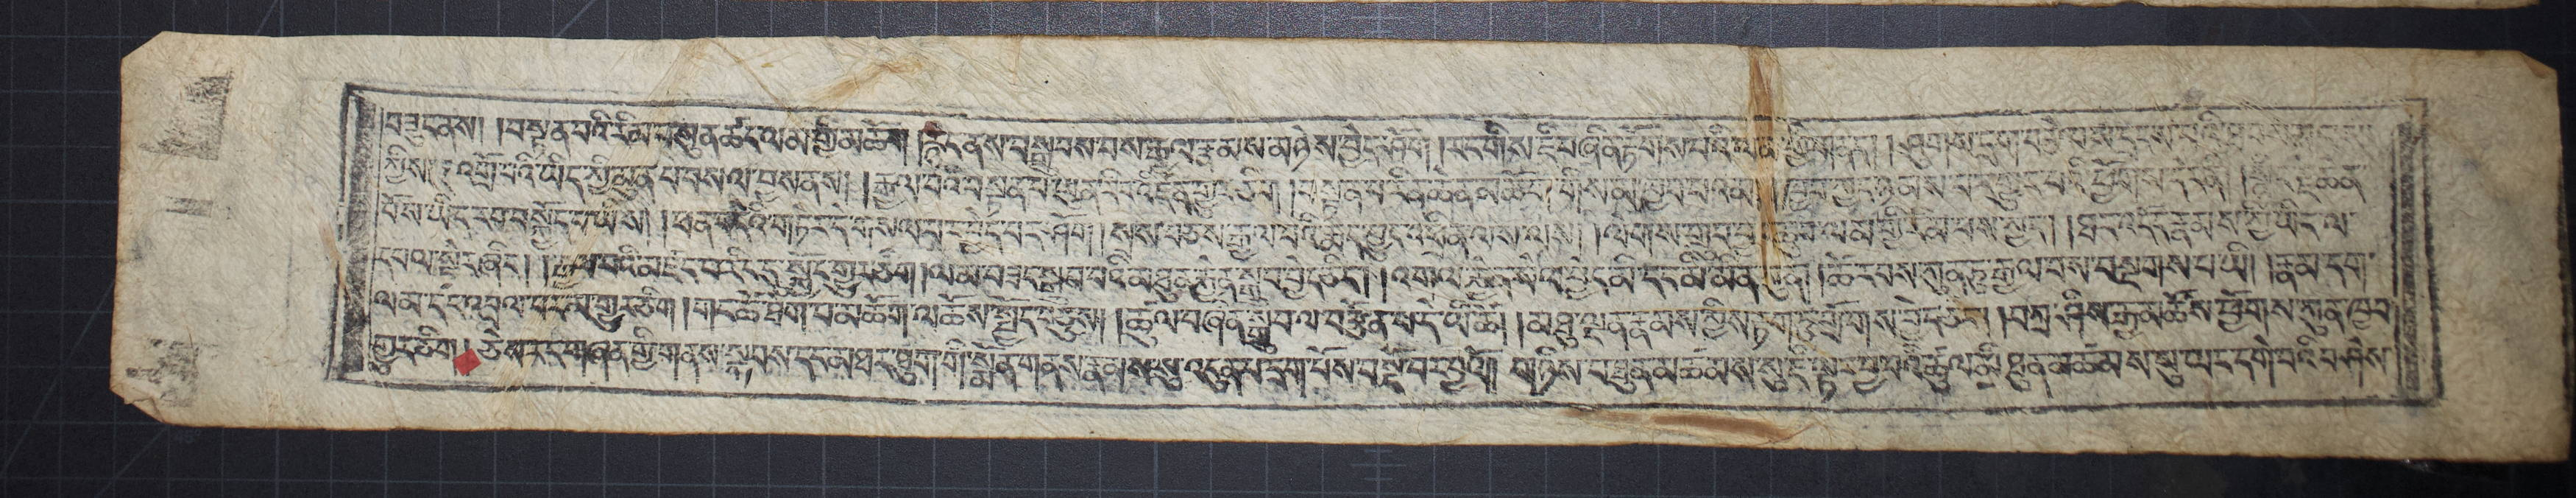བཟུང་ནས། །བསྟན་པའི་རིམ་པ་ཀུན་ཚང་ལམ་གྱི་མཆོག །རྙེད་ནས་བསྒྲུབས་པས་རྒྱལ་རྣམས་མཉེས་བྱེད་ཤོག །རང་གིས་ཇི་བཞིན་རྟོགས་པའི་ལམ་གྱི་གནད། །ཤུགས་དྲག་བརྩེ་བས་དྲངས་པའི་ཐབས་མཁས་
ཀྱིས། །འགྲོ་བའི་ཡིད་ཀྱི་མུན་པ་བསལ་བྱས་ནས། །རྒྱལ་བའི་བསྟན་པ་ཡུན་རིང་འཛིན་གྱུར་ཅིང་། །བསྟན་པ་རིན་ཆེན་མཆོག་གིས་མ་ཁྱབ་པའམ། །ཁྱབ་ཀྱང་ཉམས་པར་གྱུར་བའི་ཕྱོགས་དང་ནི། །སྙིང་རྗེ་ཆེན་
པོས་ཡིད་རབ་བསྐྱོད་པ་ཡིས། །ཕན་བདེའི་གཏེར་དེ་གསལ་བར་བྱེད་པར་ཤོག །སྲས་བཅས་རྒྱལ་བའི་རྨད་བྱུང་འཕྲིན་ལས་ལས། །ལེགས་གྲུབ་བྱང་ཆུབ་ལམ་གྱི་རིམ་པས་ཀྱང་། །ཐར་འདོད་རྣམས་ཀྱི་ཡིད་ལ་
དཔལ་སྟེར་ཞིང་། །རྒྱལ་བའི་མཛད་པ་རིང་དུ་སྐྱོང་གྱུར་ཅིག། །ལམ་བཟང་སྒྲུབ་པའི་མཐུན་རྐྱེན་སྒྲུབ་བྱེད་ཅིང་། །འགལ་རྐྱེན་སེལ་བྱེད་མི་དང་མི་མིན་ཀུན། །ཚེ་རབས་ཀུན་ཏུ་རྒྱལ་བས་བསྔགས་པ་ཡི། །རྣམ་དག་
ལམ་དང་འབྲལ་བར་མ་གྱུར་ཅིག །གང་ཚེ་ཐེག་པ་མཆོག་ལ་ཆོས་སྤྱོད་བཅུས། །ཚུལ་བཞིན་སྒྲུབ་ལ་བརྩོན་པ་དེ་ཡི་ཚེ། །མཐུ་ལྡན་རྣམས་ཀྱིས་རྟག་ཏུ་གྲོགས་བྱེད་ཅིང་། །བཀྲ་ཤིས་རྒྱ་མཚོས་ཕྱོགས་ཀུན་ཁྱབ་
གྱུར་ཅིག །ཅེས་རང་གཞན་གྱི་གནས་སྐབས་དང་མཐར་ཐུག་གི་སྨོན་གནས་རྣམས་སུ་འདུན་པ་དྲག་པོས་བསྔོ་བར་བྱའོ། གཉིས་པ་ཐུན་མཚམས་སུ་ཇི་ལྟར་བྱ་བའི་ཚུལ་མཐུན་མཚམས་སུ་ཡང་དགེ་བའི་བཤེས་